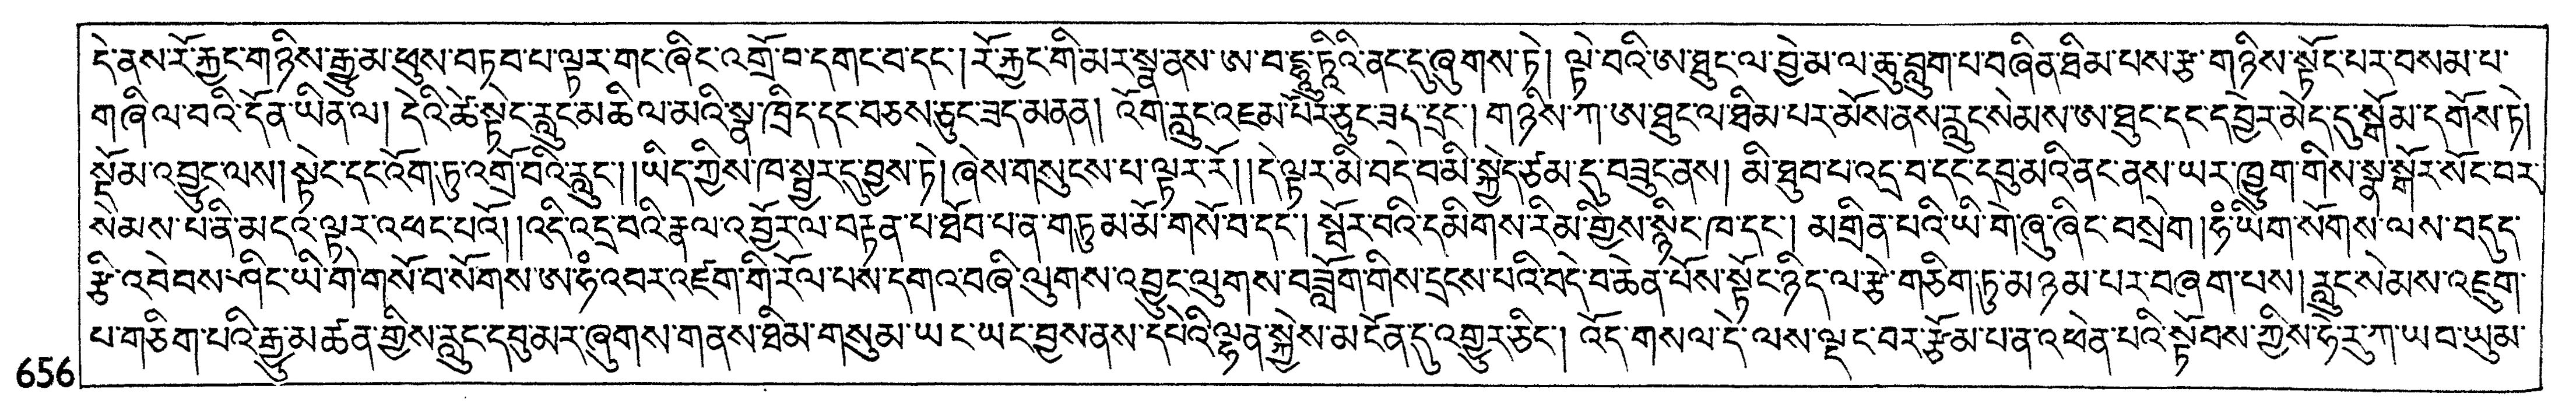དེ་ནས་རོ་རྐྱང་གཉིས་རྒྱུ་མ་ཕུས་བཏབ་པ་ལྟར་གང་ཞིང་འགྲོ་བ་དགང་བ་དང་། རོ་རྐྱང་གི་མར་སྣ་ནས་ཨ་བ་དྷཱུ་ཏཱིའི་ནང་དུ་ཞུགས་ཏེ། ལྟེ་བའི་ཨ་ཐུང་ལ་བྱེ་མ་ལ་ཆུ་བླུག་པ་བཞིན་ཐིམ་པས་རྩ་གཉིས་སྟོང་པར་བསམ་པ་
གཞིལ་བའི་དོན་ཡིན་ལ། དེའི་ཚེ་སྟེང་རླུང་མཆིལ་མའི་སྣ་ཁྲིད་དང་བཅས་ཅུང་ཟད་མནན། འོག་རླུང་འཇམ་པོར་ཅུང་ཟད་དྲང་། གཉིས་ཀ་ཨ་ཐུང་ལ་ཐིམ་པར་མོས་ནས་རླུང་སེམས་ཨ་ཐུང་དང་དབྱེར་མེད་དུ་སྒོམ་དགོས་ཏེ།
སྡོམ་འབྱུང་ལས། སྟེང་དང་འོག་ཏུ་འགྲོ་བའི་རླུང་། །ཡིད་ཀྱིས་ཁ་སྦྱར་དུ་བྱས་ཏེ། ཞེས་གསུངས་པ་ལྟར་རོ། །དེ་ལྟར་མི་བདེ་བ་མི་སྐྱེད་ཙམ་དུ་བཟུང་ནས། མི་ཐུབ་པ་འདྲ་བ་དང་དབུ་མའི་ནང་ནས་ཡར་ཁྱུག་གིས་སྣ་སྒོར་སོང་བར་
སེམས་པ་ནི་མདའ་ལྟར་འཕང་པའོ། །འདི་འདྲ་བའི་རྣལ་འབྱོར་ལ་བརྟན་པ་ཐོབ་པ་ན་གཏུམ་མོ་གསོ་བ་དང་། སྦོར་བའི་དམིགས་རིམ་གྱིས་སྙིང་ཁ་དང་། མགྲིན་པའི་ཡི་གེ་ཞུ་ཞིང་བསྲེག །ཧཾ་ཡིག་སོགས་ལས་བདུད་
རྩི་འབེབས་ཤིང་ཡི་གེ་གསོ་བ་སོགས་ཨ་ཧཾ་འབར་འཛག་གི་རོལ་པས་དགའ་བཞི་ལུགས་འབྱུང་ལུགས་བཟློག་གིས་དྲངས་པའི་བདེ་བ་ཆེན་པོས་སྟོང་ཉིད་ལ་རྩེ་གཅིག་ཏུ་མཉམ་པར་བཞག་པས། རླུང་སེམས་འཇུག་
པ་གཅིག་པའི་རྒྱུ་མཚན་གྱིས་རླུང་དབུ་མར་ཞུགས་གནས་ཐིམ་གསུམ་ཡང་ཡང་བྱས་ནས་དཔེའི་ལྷན་སྐྱེས་མངོན་དུ་འགྱུར་ཅིང་། འོད་གསལ་དེ་ལས་ལྡང་བར་རྩོམ་པ་ན་འཕེན་པའི་སྟོབས་ཀྱིས་ཧེ་རུ་ཀ་ཡབ་ཡུམ་